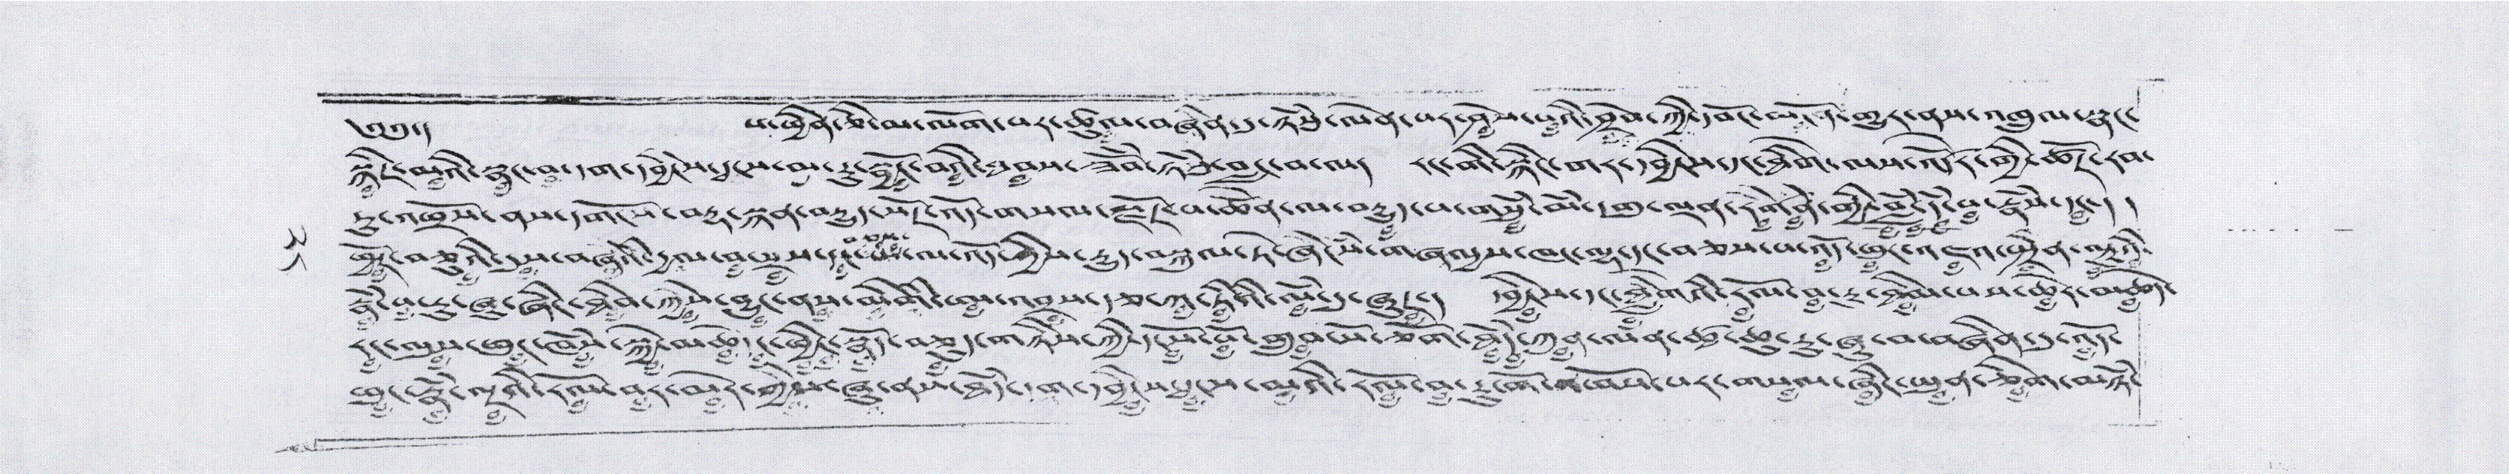པ་ཕྱིན་ཅི་མ་ལོག་པར་ཚུལ་བཞིན་དུ་ཉམས་སུ་ལེན་པར་ཤེས་པའི་ཤེས་རབ་ཀྱི་དབང་པོ་མངོན་གྱུར་ནས་འཁྲུལ་སྣང་
སྙིགས་མའི་སྣང་བ་དག་དབྱིངས་དྭངས་མ་རུ་སྦྱང་བའི་ཐབས་ཟབ་མོ་ཉམས་སུ་བླང་བ་ལ། རང་གི་སྙིང་གར་དབྱིངས་དང་ཐིག་ལེ་ལས་འོད་ཟེར་གྱི་ཚོགས་རབ་
ཏུ་འཕྲོས་ནས་དགོངས་བརྡ་སྙན་བརྒྱུད་སོགས་འོད་གསལ་རྫོགས་པ་ཆེན་པོ་བརྒྱུད་པ་གསུམ་མམ་དགུ་ལྡན་རིག་འཛིན་གྱི་བླ་མ་དམ་པ་རྣམས་དང་། 
ཕྱོགས་བཅུའི་དུས་བཞིའི་རྒྱལ་བ་སྲས་དང་བཅས་པ་ལ་འོད་ཀྱིས་བརྒྱུད་བསྐུལ་ཏེ་ཞིང་ཁམས་གཞལ་ཡས་ཁང་ལྷ་དང་བཅས་པ་འོད་ཕུང་འཇའ་སྤྲིན་ལྟ་བུའི་
རྣམ་པ་རུ་ཞུ་ཞིང་ཐིབ་ཀྱིས་བྱུང་ནས་མིག་གི་ཨ་འབྲས་རྩ་ཀ་ཏིའི་ལམ་དུ་ཞུགས། དབྱིངས་དང་ཐིག་ལེའི་རོལ་པ་རུ་ཐིམ་པས་ཆེར་མཆེད་
རང་ལུས་ཕུང་ཁམས་སྐྱེ་མཆེད་ཕྱི་ནང་སྣོད་བཅུད་གཉིས་ཀྱི་དངོས་པོ་གྲུབ་སོ་ཅོག་ཐམས་ཅད་ཀུན་ལན་ཚྭ་ཆུ་རུ་ཞུ་བ་བཞིན་དུ་འོད་
ཕུང་རྣམ་ལྔའི་རོལ་པར་མེར་གྱིས་ཞུ་ནས་ཐམས་ཅད་དག་དབྱིངས་དྭངས་མའི་རོལ་པ་རུ་གོ་འཕོས་པར་བསམ་ཞིང་ཡུན་ཅིག་མཉམ་